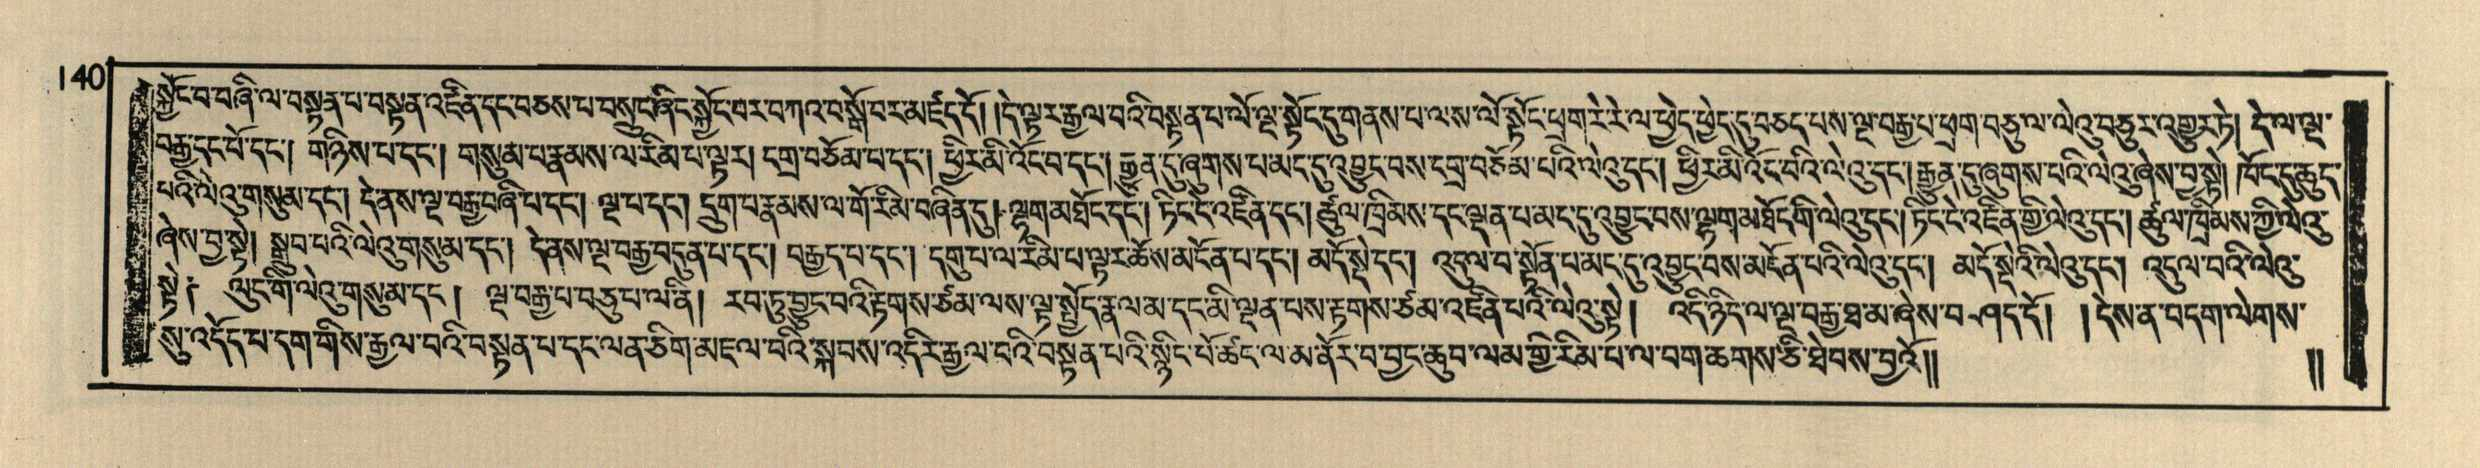སྐྱོང་བ་བཞི་ལ་བསྟན་པ་བསྟན་འཛིན་དང་བཅས་པ་བསྲུང་ཞིང་སྐྱོང་བར་བཀའ་བསྒོ་བར་མཛད་དོ། །དེ་ལྟར་རྒྱལ་བའི་བསྟན་པ་ལོ་ལྔ་སྟོང་དུ་གནས་པ་ལས་ལོ་སྟོང་ཕྲག་རེ་རེ་ལ་ཕྱེད་ཕྱེད་དུ་བཅད་པས་ལྔ་བརྒྱ་པ་ཕྲག་བཅུ་ལ་ལེའུ་བཅུར་འགྱུར་ཏེ། དེ་ལ་ལྔ་
བརྒྱ་དང་པོ་དང་། གཉིས་པ་དང་། གསུམ་པ་རྣམས་ལ་རིམ་པ་ལྟར། དགྲ་བཅོམ་པ་དང་། ཕྱིར་མི་འོང་བ་དང་། རྒྱུན་དུ་ཞུགས་པ་མང་དུ་འབྱུང་བས་དགྲ་བཅོམ་པའི་ལེའུ་དང་། ཕྱིར་མི་འོང་བའི་ལེའུ་དང་། རྒྱུན་དུ་ཞུགས་པའི་ལེའུ་ཞེས་བྱ་སྟེ། ཁོང་དུ་ཆུད་
པའི་ལེའུ་གསུམ་དང་། དེ་ནས་ལྔ་བརྒྱ་བཞི་པ་དང་། ལྔ་པ་དང་། དྲུག་པ་རྣམས་ལ་གོ་རིམ་བཞིན་དུ། ལྷག་མཐོང་དང་། ཏིང་ངེ་འཛིན་དང་། ཚུལ་ཁྲིམས་དང་ལྡན་པ་མང་དུ་འབྱུང་བས་ལྷག་མཐོང་གི་ལེའུ་དང་། ཏིང་ངེ་འཛིན་གྱི་ལེའུ་དང་། ཚུལ་ཁྲིམས་ཀྱི་ལེའུ་
ཞེས་བྱ་སྟེ། སྒྲུབ་པའི་ལེའུ་གསུམ་དང་། དེ་ནས་ལྔ་བརྒྱ་བདུན་པ་དང་། བརྒྱད་པ་དང་། དགུ་པ་ལ་རིམ་པ་ལྟར་ཆོས་མངོན་པ་དང་། མདོ་སྡེ་དང་། འདུལ་བ་སྟོན་པ་མང་དུ་འབྱུང་བས་མངོན་པའི་ལེའུ་དང་། མདོ་སྡེའི་ལེའུ་དང་། འདུལ་བའི་ལེའུ་
སྟེ༑ ལུང་གི་ལེའུ་གསུམ་དང་། ལྔ་བརྒྱ་པ་བཅུ་པ་ལ་ནི། རབ་ཏུ་བྱུང་བའི་རྟགས་ཙམ་ལས་ལྟ་སྤྱོད་རྣལ་མ་དང་མི་ལྡན་པས་རྟགས་ཙམ་འཛིན་པའི་ལེའུ་སྟེ། འདི་ཉིད་ལ་ལྔ་བརྒྱ་ཐ་མ་ཞེས་བཤད་དོ། །དེས་ན་བདག་ལེགས་
སུ་འདོད་པ་དག་གིས་རྒྱལ་བའི་བསྟན་པ་དང་ལན་ཅིག་མཇལ་བའི་སྐབས་འདིར་རྒྱལ་བའི་བསྟན་པའི་སྙིང་པོ་ཚང་ལ་མ་ནོར་བ་བྱང་ཆུབ་ལམ་གྱི་རིམ་པ་ལ་བག་ཆགས་ཅི་ཐེབས་བྱའོ།། །།